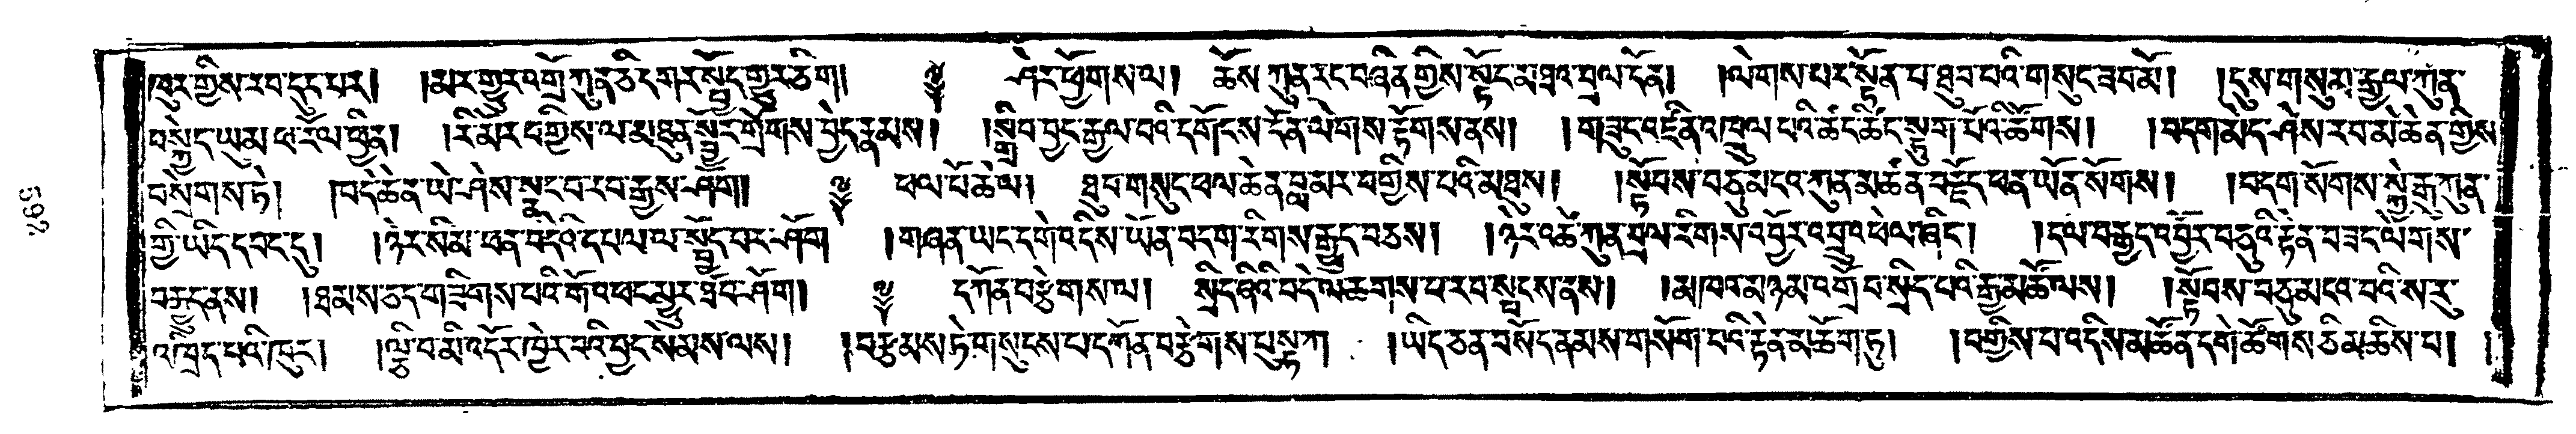ཁུར་གྱིས་རབ་དུད་པར། །མར་གྱུར་འགྲོ་ཀུན་ཅི་དགར་སྤྱོད་གྱུར་ཅིག། ༈ ཤེར་ཕྱོགས་ལ། ཆོས་ཀུན་རང་བཞིན་གྱིས་སྟོང་མཐའ་བྲལ་དོན། །ལེགས་པར་སྟོན་པ་ཐུབ་པའི་གསུང་ཟབ་མོ། །དུས་གསུམ་རྒྱལ་ཀུན་
བསྐྱེད་ཡུམ་ཕ་རོལ་ཕྱིན། །རི་མོར་བགྱིས་ལ་མཐུན་སྦྱོར་གྲོགས་བྱེད་རྣམས། །སྒྲིབ་བྱང་རྒྱལ་བའི་དགོངས་དོན་ལེགས་རྟོགས་ནས། །གཟུང་འཛིན་འཁྲུལ་པའི་ཚང་ཚིང་སྟུག་པོའི་ཚོགས། །བདག་མེད་ཤེས་རབ་མེ་ཆེན་གྱིས་
བསྲེགས་ཏེ། །བདེ་ཆེན་ཡེ་ཤེས་སྣང་བ་རབ་རྒྱས་ཤོག། ༈ ཕལ་པོ་ཆེ་ལ། ཐུབ་གསུང་ཕལ་ཆེན་བླ་མར་བགྱིས་པའི་མཐུས། །སྟོབས་བཅུ་མངའ་ཀུན་མཚན་བརྗོད་ཕན་ཡོན་སོགས། །བདག་སོགས་སྐྱེ་རྒུ་ཀུན་
གྱི་ཡིད་དབང་དུ། །ཉེར་སིམ་ཕན་བདེའི་དཔལ་ལ་སྤྱོད་པར་ཤོག །གཞན་ཡང་དགེ་འདིས་ཡོན་བདག་རིགས་རྒྱུད་བཅས། །ཉེར་འཚེ་ཀུན་བྲལ་རིགས་འབྱོར་འབྲུ་འཕེལ་ཞིང་། །དལ་བརྒྱད་འབྱོར་བཅུའི་རྟེན་བཟང་ལེགས་
བརྒྱུད་ནས། །ཐམས་ཅད་གཟིགས་པའི་གོ་འཕང་མྱུར་ཐོབ་ཤོག། ༈ དཀོན་བརྩེགས་ལ། སྲིད་ཞིའི་བདེ་ལ་ཆགས་པ་རབ་སྤངས་ནས། །མཁའ་མཉམ་འགྲོ་བ་སྲིད་པའི་རྒྱ་མཚོ་ལས། །སྟོབས་བཅུ་མངའ་བའི་ས་རུ་
འཁྲིད་པའི་ཁུར། །ལྕི་བ་མི་འདོར་ཁྱེར་བའི་བྱང་སེམས་ལས། །བརྩམས་ཏེ་གསུངས་པ་དཀོན་བརྩེགས་པུསྟ་ཀ །ཡིད་ཅན་བསོད་ནམས་གསོག་པའི་རྟེན་མཆོག་ཏུ། །བགྱིས་པ་འདིས་མཚོན་དགེ་ཚོགས་ཅི་མཆིས་པ། །